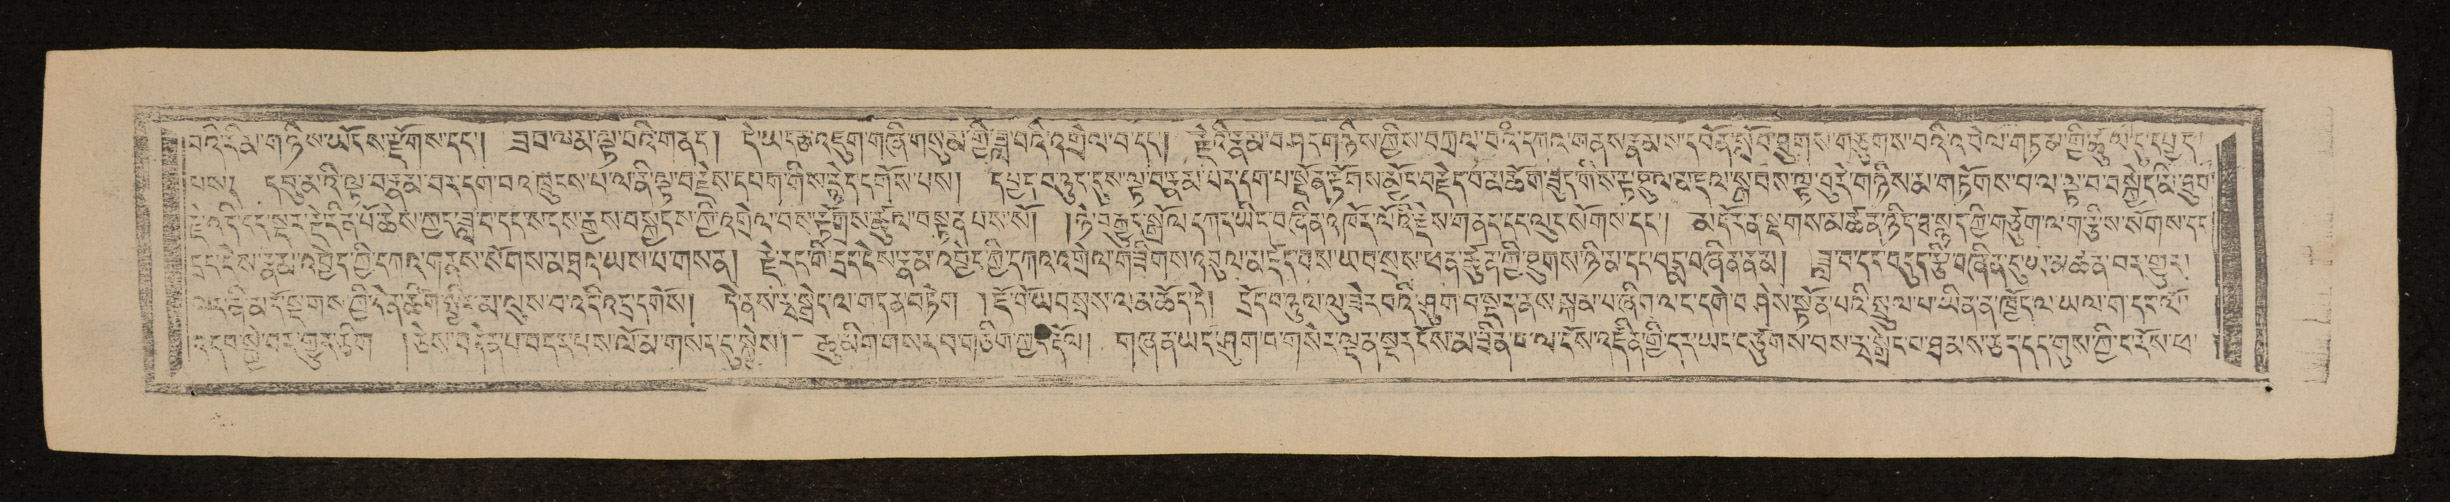པའི་རིམ་གཉིས་ཡོངས་རྫོགས་དང་། ཟབ་ལམ་ལྟ་བའི་གནང་། དེ་ཡང་རྩ་འཇུག་གཞི་གསུམ་གྱི་ཟླ་བའི་འགྲེལ་པ་དང་། རྗེའི་རྣམ་བཤད་གཉིས་ཀྱིས་བཀྲལ་བའི་དཀའ་གནས་རྣམས་དཔོན་སློབ་ཐུགས་གཅུགས་པའི་འབེལ་གཏམ་གྱི་ཚུལ་དུ་དཔྱད་
པས༑ དབུ་མའི་ལྟ་བ་རྣམ་པར་དག་པ་འཁྲུངས་པ་ལ་ནི་ལྟ་བ་རྗེས་དཔག་གིས་རྙེད་དགོས་པས། དཔྱད་པ་ཉུང་དུས་ལྟ་བ་རྣམ་པར་དག་པ་སྔོན་རྟོགས་མྱོང་བརྗེད་བ་མཆོག་ཟུང་གིས་རྟ་ཐུལ་མཇལ་སྐབས་ལྟ་བུ་རེ་གཉིས་མ་གཏོགས་པ་ལ་ལྟ་བ་བསྐྱེད་མི་ཐུབ་
རྗེ་འདི་དང་སྔར་རྗེ་རིན་པོ་ཆེས་ཀྱང་ཟླ་བ་དང་སངས་རྒྱས་བསྐྱངས་ཀྱི་འགྲེལ་པས་རྟོགས་ཚུལ་བསྟན་པས་སོ། །ཉེ་བརྒྱུད་སྒྲོལ་དཀར་ཡིད་བཞིན་འཁོར་ལོའི་རྗེས་གནང་དང་ལུང་སོགས་དང་། མདོར་ན་སྔགས་མཚན་ཉིད་ཐ་སྙད་ཀྱི་གཙུག་ལག་རྩིས་སོགས་དང་།
དྲང་ངེས་རྣམ་འབྱེད་ཀྱི་དཀའ་གནས་སོགས་མཐའ་ཡས་པ་གསན། རྗེ་རང་གི་དྲང་ངེས་རྣམ་འབྱེད་ཀྱི་དཀའ་འགྲེལ་གཟིགས་འབུལ་མཛད་པས་ཡབ་སྲས་ཕན་ཚུན་གྱི་ཐུགས་ཉི་མ་དང་པདམ་བཞིན་ནམ། ཟླ་བ་དང་བདུད་རྩི་བཞིན་དུ་ཡ་མཚན་བར་གྱུར།
ལར་ནི་མདོ་སྔགས་ཀྱི་དོན་ཚིག་སྤྱིར་མ་ལུས་པ་འདི་འདྲ་དགོས། དེ་ནས་རྭ་སྒྲེང་ལ་གདན་བཏེག །ཇོ་བོ་ཡབ་སྲས་ལ་མཆོད་དེ། དྲོད་པ་ཉུལ་ལུ་ཟེར་བའི་ཤུག་པ་སྔར་ནས་སྐམ་པ་ཞིག་ལང་དགེ་བཤེས་སྟོན་པའི་སྤྲུལ་པ་ཡིན་ན་ཁྱོད་ལ་ཡལ་ག་དང་ལོ་
འདབ་སྐྱེ་བར་གྱུར་ཅིག །ཅེས་བདེན་པ་བདར་བས་ལོ་མ་གསར་དུ་སྐྱེས། ཆུ་མིག་གསར་བ་གཅིག་ཀྱང་རྡོལ། གཞན་ཡང་ཤུག་པ་གསེར་ལྡན་སྔར་ངོས་མ་ཟིན་པ་ལ་ངོས་འཛིན་གྱི་དར་ཡང་བཙུགས་པས་རྭ་སྒྲེང་བ་ཐམས་ཅད་དད་གུས་ཀྱི་ང་རོས་ཕ་